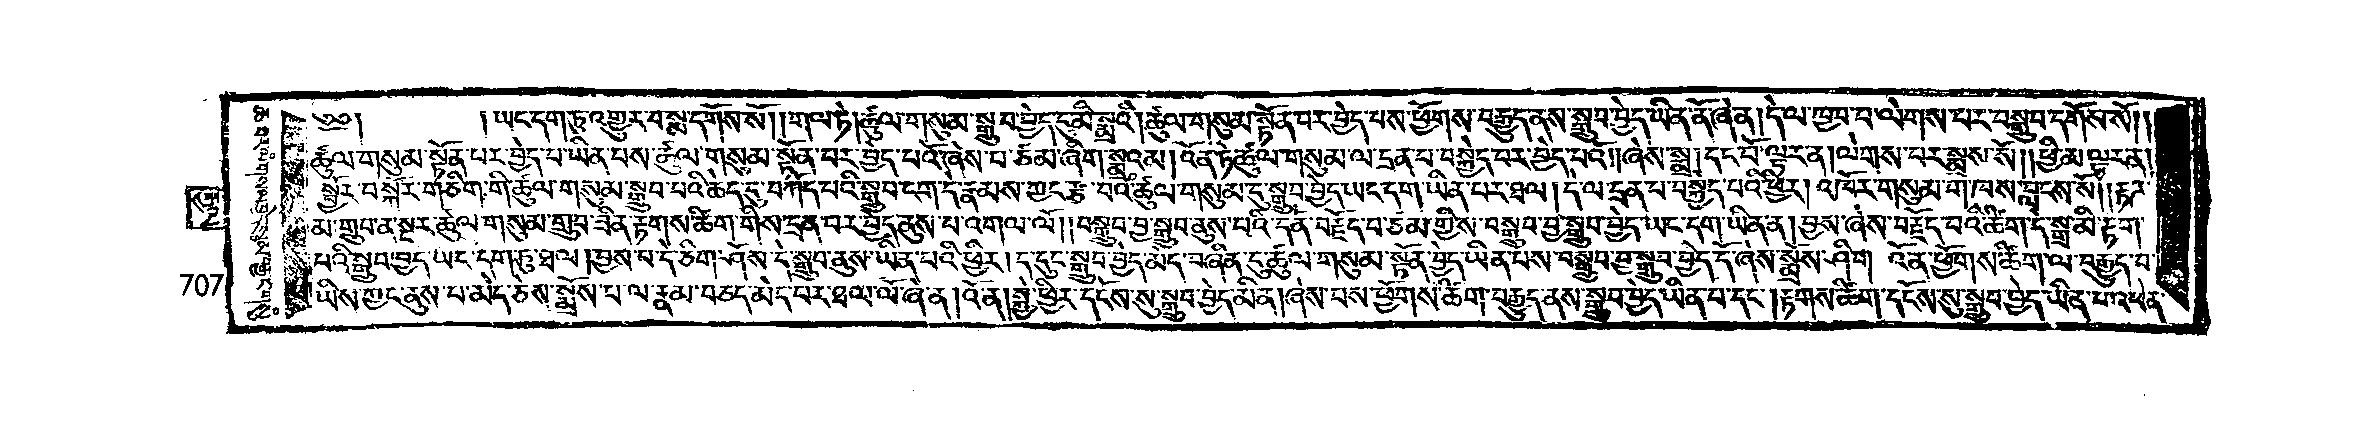༄༅། །ཡང་དག་ཏུ་འགྱུར་བ་སྨ་དགོས་སོ། །གལ་ཏེ་།ཚུལ་གསུམ་སྒྲུབ་བྱེད་དུ་མི་སྨྲའི། ཚུལ་གསུམ་སྟོན་པར་བྱེད་པས་ཕྱོགས་བརྒྱུད་ནས་སྒྲུབ་བྱེད་ཡིན་ནོ་ཞེ་ན། དེ་ལ་ཁྱབ་པ་ལེགས་པར་བསྒྲུབ་དགོས་སོ། །
ཚུལ་གསུམ་སྟོན་པར་བྱེད་པ་ཡིན་པས་ཚུལ་གསུམ་སྟོན་པར་བྱེད་པའོ་ཞེས་པ་ཙམ་ཞིག་སྨྲའམ། འོན་ཏེ་ཚུལ་གསུམ་ལ་དྲན་པ་བསྐྱེད་པར་བྱེད་པའོ། །ཞེས་སྨྲ། དང་པོ་ལྟར་ན། ལེགས་པར་སྨྲས་སོ། །ཕྱི་མ་ལྟར་ན།
སྦྱོར་པ་སྐོར་གཅིག་གི་ཚུལ་གསུམ་སྒྲུབ་པའི་ཆེད་དུ་བཀོད་པའི་སྒྲུབ་ངག་དེ་རྣམས་ཀྱང་རྩ་བའི་ཚུལ་གསུམ་དུ་སྒྲུབ་བྱེད་ཡང་དག་ཡིན་པར་ཐལ། དེ་ལ་དྲན་པ་བསྐྱེད་པའི་ཕྱིར། འཁོར་གསུམ་ག་ཁས་བླངས་སོ། །རྟགས་
མ་གྲུབ་ན་སྔར་ཚུལ་གསུམ་གྲུབ་ཟིན་རྟགས་ཚིག་གིས་དྲན་པར་བྱེད་ནུས་པ་འགལ་ལོ། །བསྒྲུབ་བྱ་སྒྲུབ་ནུས་པའི་དོན་བརྗོད་པ་ཙམ་གྱིས་བསྒྲུབ་བྱ་སྒྲུབ་བྱེད་ཡང་དག་ཡིན་ན། བྱས་ཞེས་བརྗོད་པའི་ཚིག་དེ་སྒྲ་མི་རྟག་
པའི་སྒྲུབ་བྱེད་ཡང་དག་ཏུ་ཐལ་།བྱས་པ་དེ་ཅིག་ཤོས་དེ་སྒྲུབ་ནུས་ཡིན་པའི་ཕྱིར། དེ་དུང་སྒྲུབ་བྱེད་མེད་བཞིན་དུ་ཚུལ་གསུམ་སྟོན་བྱེད་ཡིན་པས་བསྒྲུབ་བྱ་སྒྲུབ་བྱེད་དོ་ཞེས་སྨྲོས་ཤིག་འོ་ན་ཕྱོགས་ཚིག་ལ་བརྒྱུད་པ་
ཡིས་ཀྱང་ནུས་པ་མེད་ཅེས་སྨྲོས་པ་ལ་རྣམ་བཅད་མེད་པར་ཐལ་ལོ་ཞེ་ན། འོ་ན། སྐྱེ་ཕྱིར་དངོས་སུ་སྒྲུབ་བྱེད་མིན། ཞེས་པས་ཕྱོགས་ཚིག་བརྒྱུད་ནས་སྒྲུབ་བྱེད་ཡིན་པ་དང་། རྟགས་ཚིག་དངོས་སུ་སྒྲུབ་བྱེད་ཡིན་པ་འཕན་